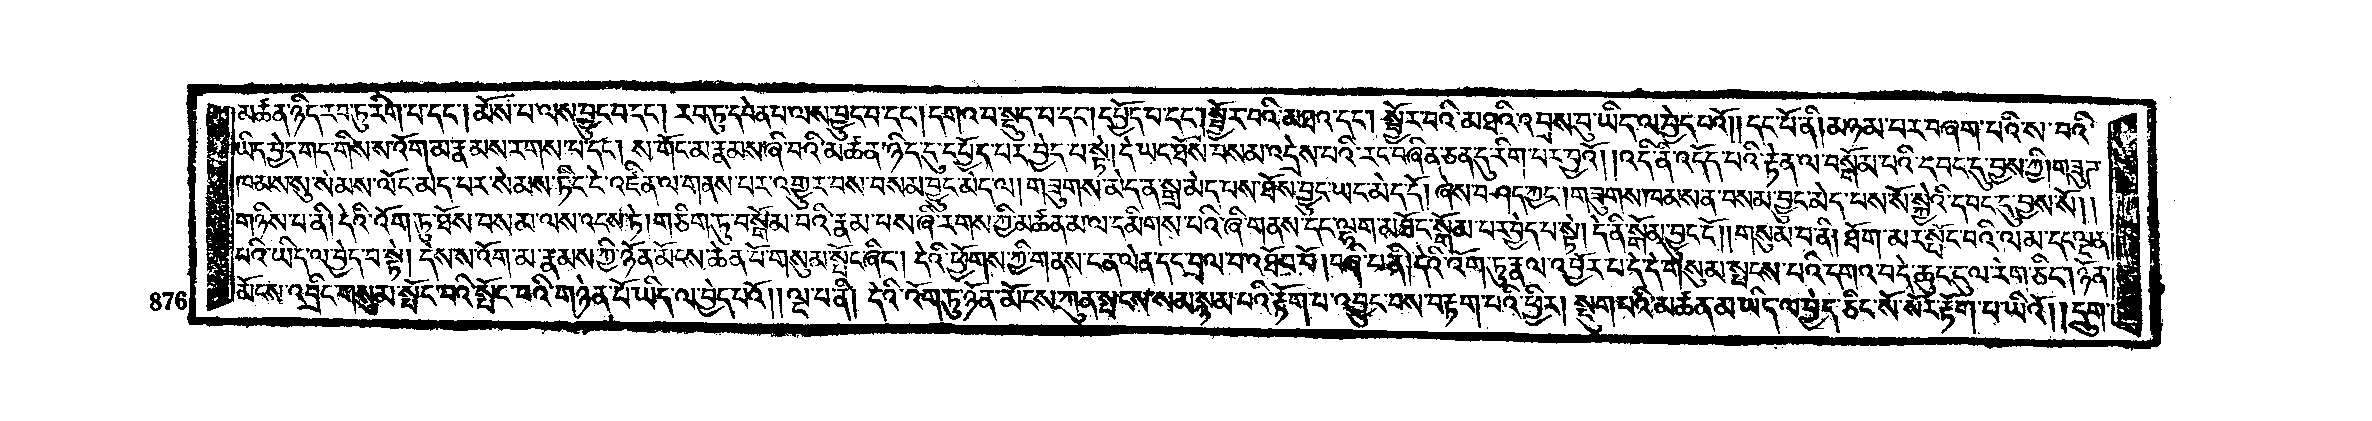མཚན་ཉིད་རབ་ཏུ་རིག་པ་དང་། མོས་པ་ལས་བྱུང་བ་དང་། རབ་ཏུ་དབེན་པ་ལས་བྱུང་བ་དང་། དགའ་བ་སྡུད་པ་དང་། དཔྱོད་པ་དང་། སྦྱོར་བའི་མཐའ་དང་། སྦྱོར་བའི་མཐའི་འབྲས་བུ་ཡིད་ལ་བྱེད་པའོ། །དང་པོ་ནི། མཉམ་པར་བཞག་པའི་ས་བའི་
ཡིད་བྱེད་གང་གིས་ས་འོག་མ་རྣམས་རགས་པ་དང་། ས་གོང་མ་རྣམས་ཞི་བའི་མཚན་ཉིད་དུ་དཔྱོད་པར་བྱེད་པ་སྟེ། དེ་ཡང་ཐོས་བསམ་འདྲེས་པའི་རང་བཞིན་ཅན་དུ་རིག་པར་བྱའོ། །འདི་ནི་འདོད་པའི་རྟེན་ལ་བསྒོམ་པའི་དབང་དུ་བྱས་ཀྱི། གཟུགས་
ཁམས་སུ་སེམས་ལོང་མེད་པར་སེམས་ཏིང་ངེ་འཛིན་ལ་གནས་པར་འགྱུར་བས་བསམ་བྱུང་མེད་ལ། གཟུགས་མེད་ན་སྒྲ་མེད་པས་ཐོས་བྱུང་ཡང་མེད་དོ། ཞེས་བཤད་ཀྱང་། གཟུགས་ཁམས་ན་བསམ་བྱུང་མེད་པས་སོ་སྐྱེའི་དབང་དུ་བྱས་སོ། །
གཉིས་པ་ནི། དེའི་འོག་ཏུ་ཐོས་བསམ་ལས་འདས་ཏེ། གཅིག་ཏུ་བསྒོམ་པའི་རྣམ་པས་ཞི་རིགས་ཀྱི་མཚན་མ་ལ་དམིགས་པའི་ཞི་གནས་དང་ལྷག་མཐོང་སྒོམ་པར་བྱེད་པ་སྟེ། དེ་ནི་སྒོམ་བྱུང་ངོ། །གསུམ་པ་ནི། ཐོག་མར་སྤོང་བའི་ལམ་དང་ལྡན་
པའི་ཡིད་ལ་བྱེད་པ་སྟེ། དེས་ས་འོག་མ་རྣམས་ཀྱི་ཉོན་མོངས་ཆེན་པོ་གསུམ་སྤོང་ཞིང་། དེའི་ཕྱོགས་ཀྱི་གནས་ངན་ལེན་དང་བྲལ་བ་འཐོབ་བོ། བཞི་པ་ནི། དེའི་འོག་ཏུ་རྣལ་འབྱོར་པ་དེ་དེ་གསུམ་སྤངས་པའི་དགའ་བདེ་ཆུང་ངུ་ལ་རེག་ཅིང་། ཉོན་
མོངས་འབྲིང་གསུམ་སྤོང་བའི་སྤོང་བའི་གཉེན་པོ་ཡིད་ལ་བྱེད་པའོ། །ལྔ་པ་ནི། དེའི་འོག་ཏུ་ཉོན་མོངས་ཀུན་སྤངས་སམ་སྙམ་པའི་རྟོག་པ་འབྱུང་བས་བརྟག་པའི་ཕྱིར། སྡུག་པའི་མཚན་མ་ཡིད་ལ་བྱེད་ཅིང་སོ་སོར་རྟོག་པ་ཡིའོ། །དྲུག་